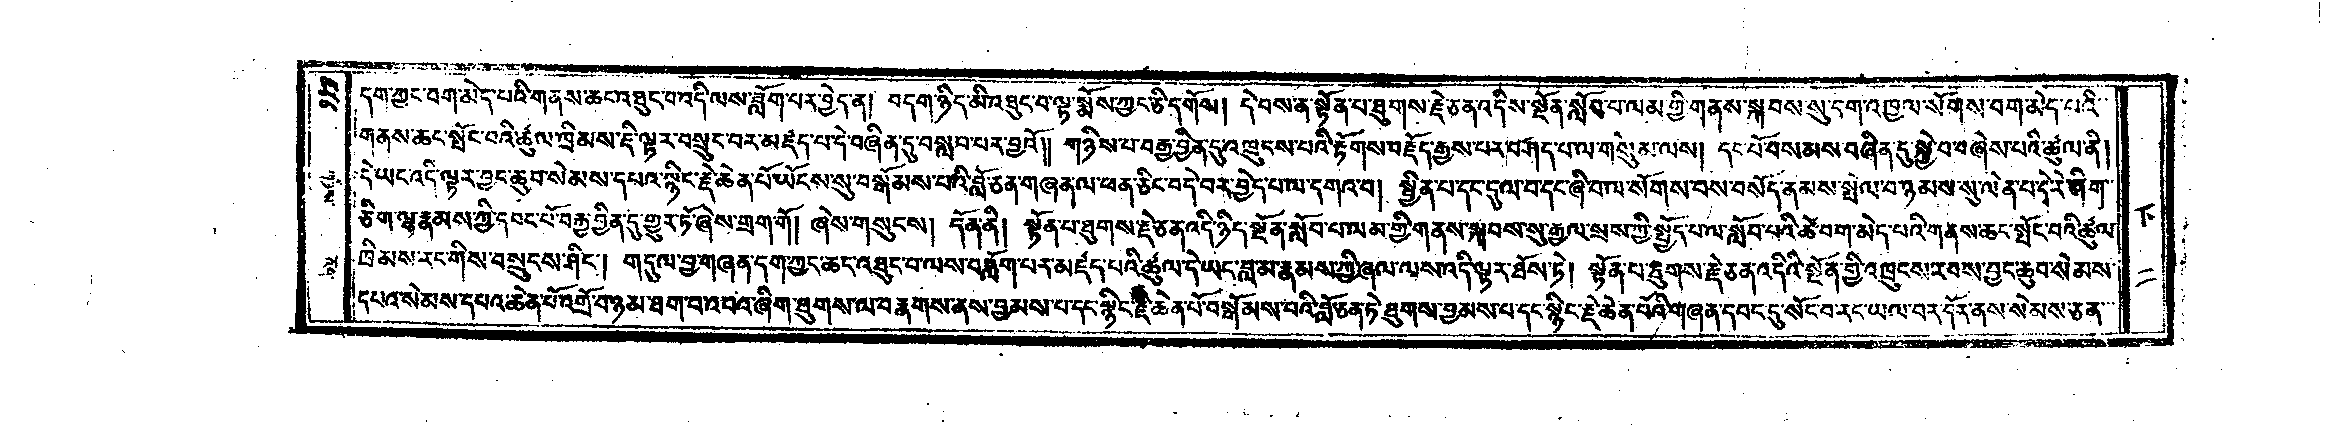དག་ཀྱང་བག་མེད་པའི་གནས་ཆང་འཐུང་བ་འདི་ལས་ཟློག་པར་བྱེད་ན། བདག་ཉིད་མི་འཐུང་བ་ལྟ་སྨོས་ཀྱང་ཅི་དགོས། དེ་བས་ན་སྟོན་པ་ཐུགས་རྗེ་ཅན་འདིས་སྔོན་སློབ་པ་ལམ་གྱི་གནས་སྐབས་སུ་ངག་འཁྱལ་སོགས་བག་མེད་པའི་
གནས་ཆང་སྤོང་བའི་ཚུལ་ཁྲིམས་ཇི་ལྟར་བསྲུང་བར་མཛད་པ་དེ་བཞིན་དུ་བསླབ་པར་བྱའོ།། གཉིས་པ་བརྒྱ་བྱིན་དུ་འཁྲུངས་པའི་རྟོགས་བརྗོད་རྒྱས་པར་བཤད་པ་ལ་གསུམ་ལས། དང་པོ་བསམས་བཞིན་དུ་སྐྱེ་བ་བཞེས་པའི་ཚུལ་ནི།
དེ་ཡང་འདི་ལྟར་བྱང་ཆུབ་སེམས་དཔའ་སྙིང་རྗེ་ཆེན་པོ་ཡོངས་སུ་བསྒོམས་པའི་བློ་ཅན་གཞན་ལ་ཕན་ཅིང་བདེ་བར་བྱེད་པ་ལ་དགའ་བ། སྦྱིན་པ་དང་དུལ་བ་དང་ཞི་བ་ལ་སོགས་པས་བསོད་ནམས་སྤེལ་བ་ཉམས་སུ་ལེན་པ་དེ་རེ་ཞིག་
ཅིག་ལྷ་རྣམས་ཀྱི་དབང་པོ་བརྒྱ་བྱིན་དུ་གྱུར་ཏོ་ཞེས་གྲག་གོ། ཞེས་གསུངས། དོན་ནི། སྟོན་པ་ཐུགས་རྗེ་ཅན་འདི་ཉིད་སྔོན་སློབ་པ་ལམ་གྱི་གནས་སྐབས་སུ་རྒྱལ་སྲས་ཀྱི་སྤྱོད་པ་ལ་སློབ་པའི་ཚེ་བག་མེད་པའི་གནས་ཆང་སྤོང་བའི་ཚུལ་
ཁྲིམས་རང་གིས་བསྲུངས་ཤིང་། གདུལ་བྱ་གཞན་དག་ཀྱང་ཆང་འཐུང་བ་ལས་བཟློག་པར་མཛད་པའི་ཚུལ་དེ་ཡང་བླ་མ་རྣམས་ཀྱི་ཞལ་ལས་འདི་ལྟར་ཐོས་ཏེ། སྟོན་པ་ཐུགས་རྗེ་ཅན་འདིའི་སྔོན་གྱི་འཁྲུངས་རབས་བྱང་ཆུབ་སེམས་
དཔའ་སེམས་དཔའ་ཆེན་པོ་འགྲོ་བ་ཉམ་ཐག་པ་འབའ་ཞིག་ཐུགས་ལ་བརྣགས་ནས་བྱམས་པ་དང་སྙིང་རྗེ་ཆེན་པོ་བསྒོམས་པའི་བློ་ཅན་ཏེ་ཐུགས་བྱམས་པ་དང་སྙིང་རྗེ་ཆེན་པོའི་གཞན་དབང་དུ་སོང་བ་རང་ཡལ་པར་དོར་ནས་སེམས་ཅན་